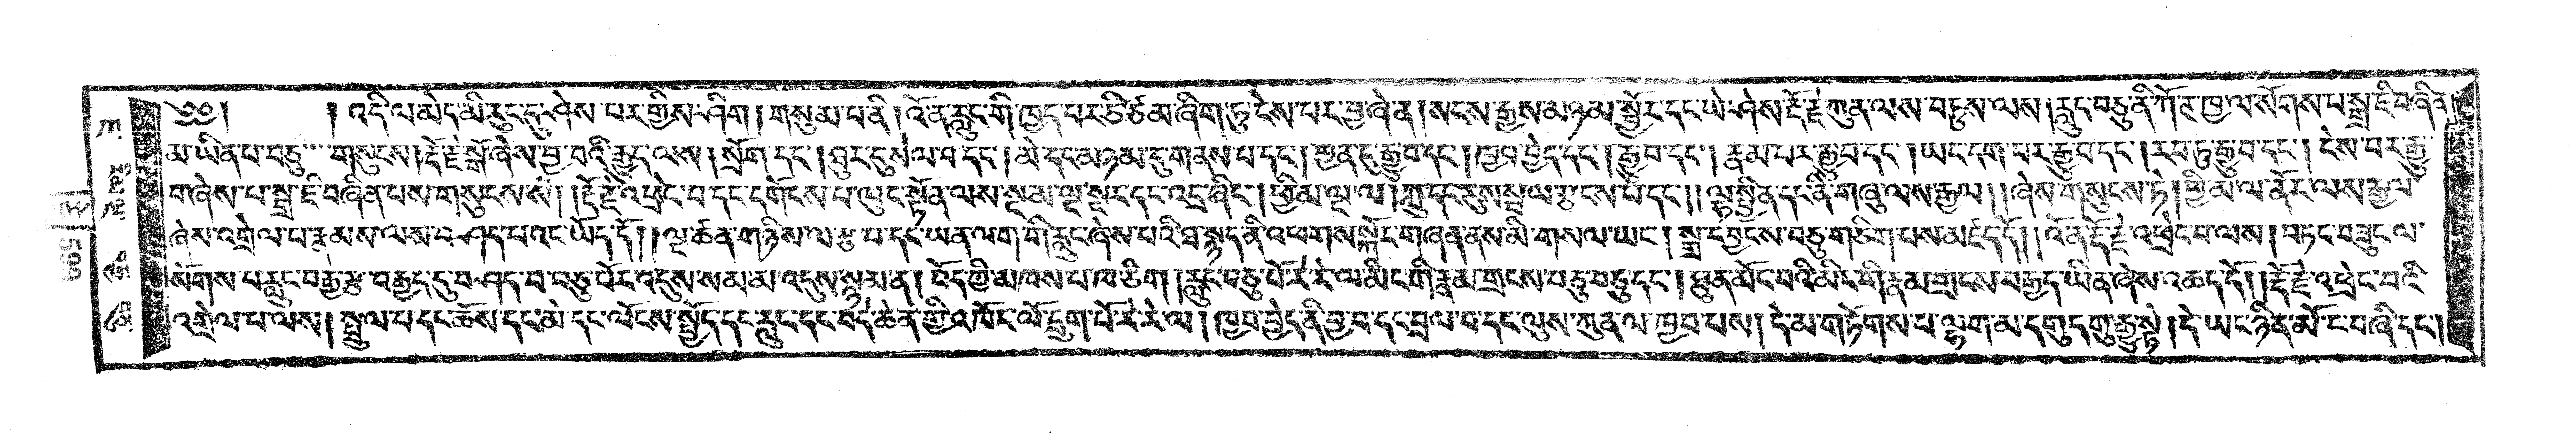༄༅། །འདི་ལ་མེད་མི་རུང་དུ་ཤེས་པར་གྱིས་ཤིག །གསུམ་པ་ནི། འོ་ན་རླུང་གི་ཁྱད་པར་ཅི་ཙམ་ཞིག་ཏུ་ངེས་པར་བྱ་ཞེ་ན། སངས་རྒྱས་མཉམ་སྦྱོར་དང་ཡེ་ཤེས་རྡོ་རྗེ་ཀུན་ལས་བཏུས་ལས། རླུང་བཅུ་ནི་ཀོ་ཊ་ཁྱ་ལ་སོགས་པ་སྒྲ་ཇི་བཞིན་
མ་ཡིན་པ་བཅུ་གསུངས། རྡོ་རྗེ་སྒོ་ཞེས་བྱ་བའི་རྒྱུད་ལས། སྲོག་དང་། ཐུར་དུ་སེལ་བ་དང་། མེ་དང་མཉམ་དུ་གནས་པ་དང་། གྱན་དུ་རྒྱུ་བ་དང་། ཁྱབ་བྱེད་དང་། རྒྱུ་བ་དང་། རྣམ་པར་རྒྱུ་བ་དང་། ཡང་དག་པར་རྒྱུ་བ་དང་། རབ་ཏུ་རྒྱུ་བ་དང་། ངེས་པར་རྒྱུ་
བ་ཞེས་པ་སྒྲ་ཇི་བཞིན་པས་གསུངས་སོ། །རྡོ་རྗེ་འཕྲེང་བ་དང་དགོངས་པ་ལུང་སྟོན་ལས་སྔ་མ་ལྔ་སྔར་དང་འདྲ་ཞིང་། ཕྱི་མ་ལྔ་ལ། ཀླུ་དང་རུས་སྦལ་རྩངས་པ་དང་། །ལྷ་སྦྱིན་དང་ནི་གཞུ་ལས་རྒྱལ། །ཞེས་གསུངས་ཏེ། ཕྱི་མ་ལ་ནོར་ལས་རྒྱལ་
ཞེས་འགྲེལ་པ་རྣམས་ལས་བཤད་པའང་ཡོད་དོ། །ལྔ་ཚན་གཉིས་ལ་རྩ་བ་དང་ཡན་ལག་གི་རླུང་ཞེས་པའི་ཐ་སྙད་ནི་འཕགས་སྐོར་གཞན་ནས་མི་གསལ་ཡང་། སྒྲ་དབྱངས་བཅུ་གཅིག་པས་མཛད་དོ། །འོ་ན་རྡོ་རྗེ་འཕྲེང་བ་ལས། བཏང་བཟུང་ལ་
སོགས་པ་རླུང་བརྒྱ་རྩ་བརྒྱད་དུ་བཤད་པ་བཅུ་པོར་འདུས་སམ་མ་འདུས་སྙམ་ན། བོད་ཀྱི་མཁས་པ་ཁ་ཅིག །རླུང་བཅུ་པོ་རེ་རེ་ལ་མིང་གི་རྣམ་གྲངས་བཅུ་བཅུ་དང་། ཐུན་མོང་བའི་མིང་གི་རྣམ་གྲངས་བརྒྱད་ཡིན་ཞེས་འཆད་དོ། །རྡོ་རྗེ་འཕྲེང་བའི་
འགྲེལ་པ་ལས། སྤྲུལ་པ་དང་ཆོས་དང་མེ་དང་ལོངས་སྤྱོད་དང་རླུང་དང་བདེ་ཆེན་གྱི་འཁོར་ལོ་དྲུག་པོ་རེ་རེ་ལ། ཁྱབ་བྱེད་ནི་བྱ་བ་དང་བྲལ་བ་དང་ལུས་ཀུན་ལ་ཁྱབ་པས། དེ་མ་གཏོགས་པ་ལྷག་མ་དགུ་དགུ་རྒྱུ་སྟེ། དེ་ཡང་ཉིན་མོང་བཞི་དང་།